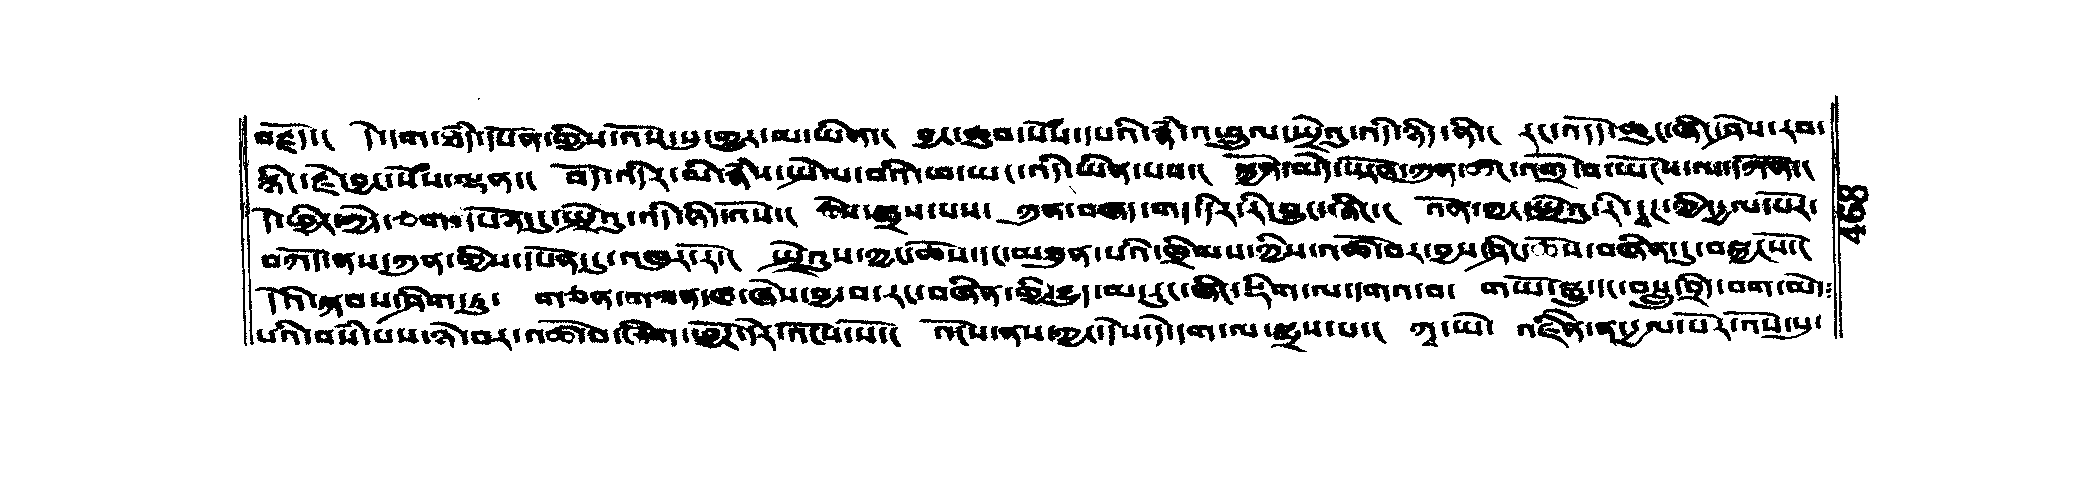བརྗོད། །དེ་དག་ཐམས་ཅད་དཔོན་གྱིས་འོས་སུ་གྱུར་མ་ཡིན། །བྱང་ཆུབ་སེམས་དཔའི་རྣམ་འཕྲུལ་སྤྲེའུ་འདི་ཉིད་ནི། །རང་འདོད་ཆུང་ཞིང་ཤེས་རབ་
སྙིང་རྗེ་བྱང་སེམས་ལྡན། །བོད་འདིར་མི་རྣམས་སྤེལ་བའི་ཕ་ཡང་འདི་ཡིན་པས། །སྐྱོན་མེད་ཡོན་ཏན་ཀུན་ཚང་འགྲོ་བ་ཡོངས་ལ་དཀོན། །
དེ་ཕྱིར་ཁྱེད་ཅག་དཔོན་དུ་སྤྲེའུ་འདི་ཉིད་འོས། །ཅེས་སྨྲས་པས། ཀུན་བཞད་གད་དིར་རི་བྱུང་ཞིང་། འོན་ཀྱང་སྤྲེའུ་རི་དྭགས་ཀྱི་རྒྱལ་པོར་
བསྐོས་ནས་ཀུན་གྱིས་དཔོན་དུ་འཁུར་རོ། སྤྲེའུས་ཀྱང་ཆོས་དང་མཐུན་པའི་ཁྲིམས་ཀྱིས་འཚོ་བར་བྱས་ཤིང་ཆོས་བཞིན་དུ་བསྐྱངས། 
དེའི་སྐབས་ཤིག་ཏུ་གཅན་གཟན་ཝ་ཞེས་བྱ་བ་རང་བཞིན་གྱི་རྒྱུད་མ་རུང་ཞིང་སྡིག་ལ་དགའ་བ། གཡོ་སྒྱུ་དང་བསླུ་བྲིད་བག་མེད་
པའི་བསམ་པས་ཉེ་བར་འཚོ་བ་ཞིག་ཕྱོགས་དེར་འོངས་སོ། འོངས་ནས་ཀྱང་དེས་དེ་དག་ལ་སྨྲས་པ། ཀྭ་ཡེ། འཇིག་རྟེན་ན་རྒྱལ་པོར་འོས་སུ་